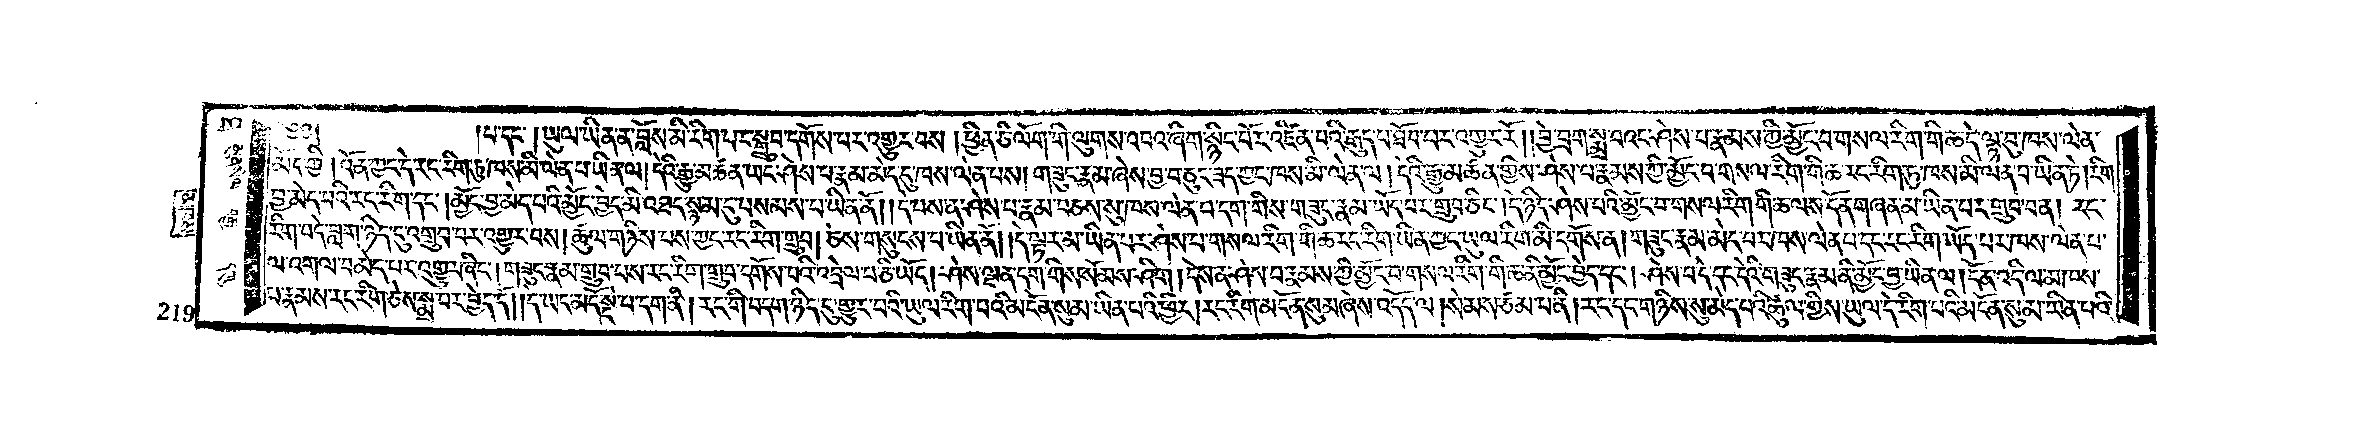༄༅། །པ་དང་། ཡུལ་ཡིན་ན་བློས་མི་རིག་པར་སྒྲུབ་དགོས་པར་འགྱུར་བས། ཕྱིན་ཅི་ལོག་གི་ལུགས་འབའ་ཞིག་སྙིང་པོར་འཛིན་པའི་རྒུད་པ་ཐོབ་པར་འགྱུར་རོ། །བྱེ་བྲག་སྨྲ་བའང་ཤེས་པ་རྣམས་ཀྱི་མྱོང་བ་གསལ་རིག་གི་ཆ་དེ་ལྟ་བུ་ཁས་ལེན་
མོད་ཀྱི། འོན་ཀྱང་དེ་རང་རིག་ཏུ་ཁས་མི་ལེན་པ་ཡིན་ལ། དེའི་རྒྱུ་མཚན་ཡང་ཤེས་པ་རྣམ་མེད་དུ་ཁས་ལེན་པས། གཟུང་རྣམ་ཞེས་བྱ་བ་ཅུང་ཟད་ཀྱང་ཁས་མི་ལེན་ལ། དེའི་རྒྱུ་མཚན་གྱིས་ཤེས་པ་རྣམས་ཀྱི་མྱོང་བ་གསལ་རིག་གི་ཆ་རང་རིག་ཏུ་ཁས་མི་ལེན་པ་ཡིན་ཏེ། རིག་
བྱ་མེད་པའི་རང་རིག་དང་། མྱོང་བྱ་མེད་པའི་མྱོང་བྱེད་མི་འཐད་སྙམ་དུ་བསམས་པ་ཡིན་ནོ། །དེ་བས་ན་ཤེས་པ་རྣམ་བཅས་སུ་ཁས་ལེན་པ་དག་གིས་གཟུང་རྣམ་ཡོད་པར་གྲུབ་ཅིང་། དེ་ཉིད་ཤེས་པའི་མྱོང་བ་གསལ་རིག་གི་ཆ་ལས་དོན་གཞན་མ་ཡིན་པར་གྲུབ་པ་ན། རང་
རིག་བདེ་བླག་ཉིད་དུ་འགྲུབ་པར་འགྱུར་བས། ཚུལ་གཉིས་པས་ཀྱང་རང་རིག་གྲུབ། ཅེས་གསུངས་པ་ཡིན་ནོ། །དེ་ལྟར་མ་ཡིན་པར་ཤེས་པ་གསལ་རིག་གི་ཆ་རང་རིག་ཡིན་ཀྱང་ཡུལ་རིག་མི་དགོས་ན། གཟུང་རྣམ་མེད་པར་ཁས་ལེན་པ་དང་རང་རིག་ཡོད་པར་ཁས་ལེན་པ་
ལ་འགལ་བ་མེད་པར་འགྱུར་ཞིང་། གཟུང་རྣམ་གྲུབ་པས་རང་རིག་གྲུབ་དགོས་པའི་འབྲེལ་པ་ཅི་ཡོད། ཤེས་ལྡན་དག་གིས་སྨོས་ཤིག །དེས་ན་ཤེས་པ་རྣམས་ཀྱི་མྱོང་བ་གསལ་རིག་གི་ཆ་ནི་མྱོང་བྱེད་དང་། ཤེས་པ་དེ་དང་དེའི་གཟུང་རྣམ་ནི་མྱོང་བྱ་ཡིན་ལ། དོན་འདི་ལ་མཁས་
པ་རྣམས་རང་རིག་ཅེས་སྨྲ་བར་བྱེད་དོ། །དེ་ཡང་མདོ་སྡེ་པ་དག་ནི། རང་གི་བདག་ཉིད་དུ་གྱུར་པའི་ཡུལ་རིག་པའི་མངོན་སུམ་ཡིན་པའི་ཕྱིར། རང་རིག་མངོན་སུམ་ཞེས་འདོད་ལ། སེམས་ཙམ་པ་ནི། རང་དང་གཉིས་སུ་མེད་པའི་ཚུལ་གྱིས་ཡུལ་དེ་རིག་པའི་མངོན་སུམ་ཡིན་པའི་